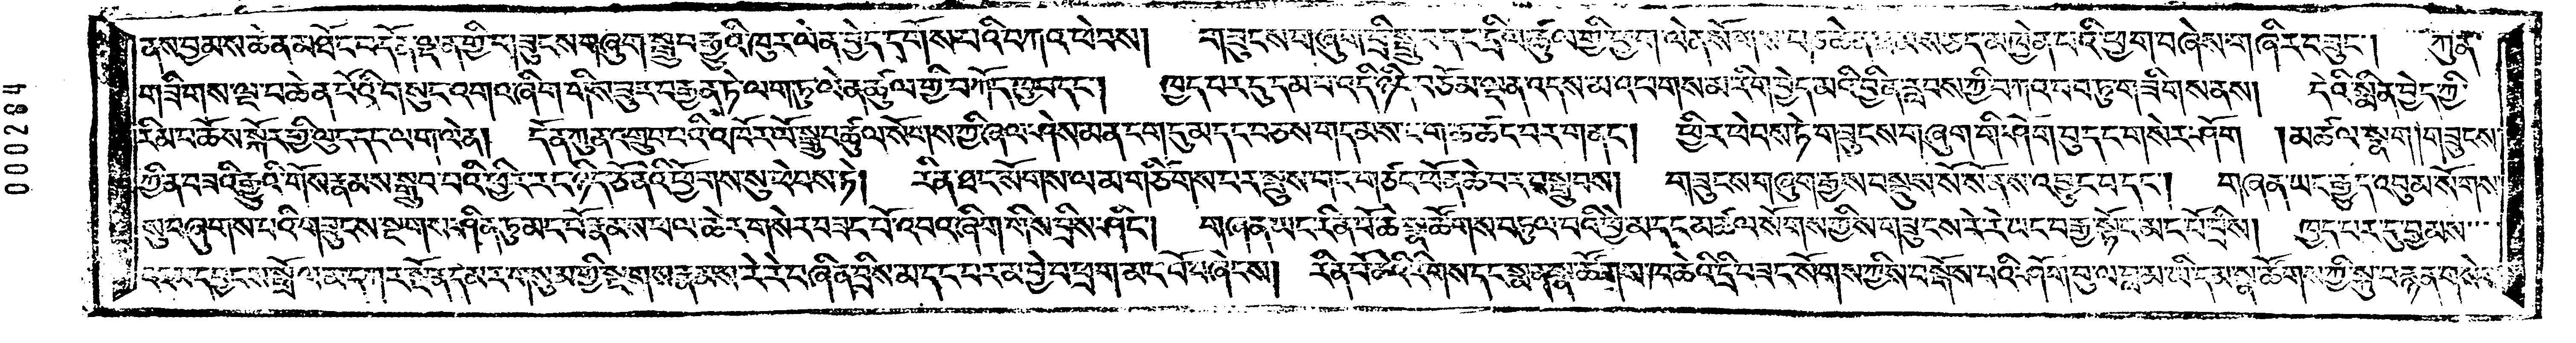ནས་བྱམས་ཆེན་མཐོང་བ་དོན་ལྡན་གྱི་གཟུངས་གཞུག་སྒྲུབ་རྒྱུའི་ཁུར་ལེན་བྱེད་དགོས་པའི་བཀའ་ཕེབས། གཟུངས་གཞུག་བྲི་སྒྲུབ་དང་དྲིལ་ཚུལ་གྱི་ཕྱག་ལེན་སོགས་པཎ་ཆེན་ཐམས་ཅད་མཁྱེན་པའི་ཕྱག་བཞེས་གཞིར་བཟུང་། ཀུན་
གཟིགས་ལྔ་པ་ཆེན་པོའི་གསུང་འགའ་ཞིག་གིས་ཟུར་བརྒྱན་ཏེ་ལག་ཏུ་ལེན་ཚུལ་གྱི་བཀོད་ཁྱབ་དང་། ཁྱད་བར་དུ་དམ་པ་འདི་ཉིད་བཅོམ་ལྡན་འདས་མ་འཕགས་མ་རིག་བྱེད་མའི་བྱིན་རླབས་ཀྱི་བཀའ་བབ་ཏུ་གཟིགས་ནས། དེའི་སྨིན་བྱེད་ཀྱི་
རིམ་པ་ཆོས་སྐོར་གྱི་ལུང་དང་ལག་ལེན། དོན་ཀུན་འགྲུབ་པའི་འཁོར་ལོ་སྒྲུབ་ཚུལ་སོགས་ཀྱི་ཞལ་ཤེས་མན་ངག་དུ་མ་དང་བཅས་གདམས་ངག་ཆ་ཚང་བར་གནང་། ཕྱིར་ཕེབས་ཏེ་གཟུངས་གཞུག་གི་ཤོག་བུ་དང་གསེར་ཤོག །མཚལ་སྣག །གཟུངས་
ཀྱི་ན་བཟའི་རྒྱུའི་གོས་རྣམས་སྒྲུབ་པའི་ཕྱིར་རང་ཉིད་ཅོ་ནེའི་ཕྱོགས་སུ་ཕེབས་ཏེ། རིན་ཐང་སོགས་ལ་མ་གཙིགས་པར་སྤུས་གའ་གཙང་ཕོན་ཆེ་བར་བསྒྲུབས། གཟུངས་གཞུག་རྒྱས་བསྡུས་སོ་སོ་ནས་འབྱུང་བ་དང་། གཞན་ཡང་རྒྱུད་འབུམ་སོགས་
སུ་བཞུགས་པའི་གཟུངས་སྔགས་ཤིན་ཏུ་མང་བོ་རྣམས་ཕལ་ཆེར་གསེར་བཟང་པོ་འབའ་ཞིག་གིས་བྲིས་ཤིང་། གཞན་ཡང་རིན་པོ་ཆེ་སྣ་ཚོགས་བཏུལ་བའི་ཕྱེ་མ་དང་མཚལ་སོགས་ཀྱིས་གཟུངས་རེ་རེ་ཡང་བརྒྱ་སྟོང་མང་པོ་བྲིས། ཁྱད་པར་དུ་བྱམས་
འཇམ་དབྱངས་སྒྲོལ་མ་དཀར་སྔོན་དམར་གསུམ་གྱི་སྔགས་རྣམས་རེ་རེ་བཞིན་བྲིས་མ་དང་པར་མ་བྱེ་བ་ཕྲག་མང་པོ་བཞེངས། རིན་པོ་ཆེའི་རིགས་དང་སྨན་སྣ་ཚོགས་ཁ་ཆེའི་དྲི་བཟང་སོགས་ཀྱིས་བསྒོས་པའི་ཤོག་བུ་ལ་བླ་མ་ཡི་དམ་སྣ་ཚོགས་ཀྱི་སྐུ་བརྙན་གསེར།